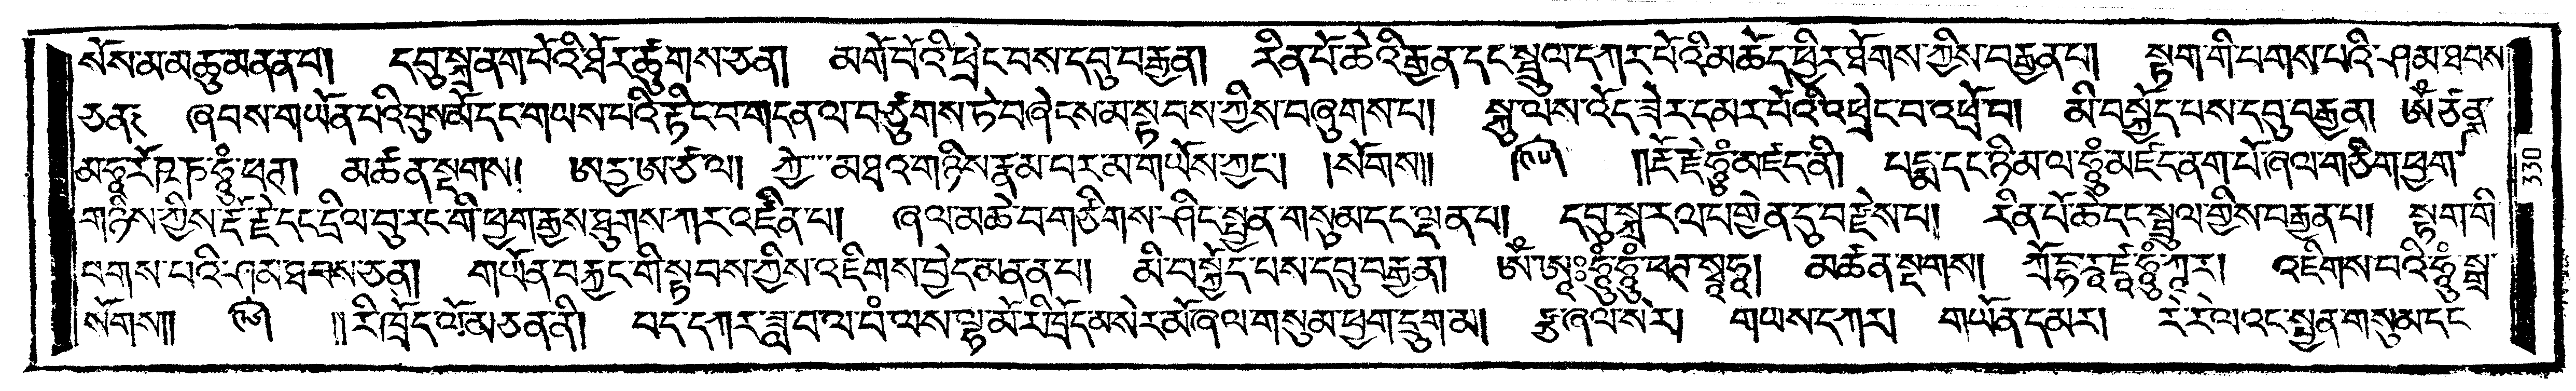སོས་མ་མཆུ་མནན་པ། དབུ་སྐྲ་ནག་པོའི་ཐོར་ཚུགས་ཅན། མགོ་བོའི་ཕྲེང་བས་དབུ་བརྒྱན། རིན་པོ་ཆེའི་རྒྱན་དང་སྤྲུལ་དཀར་པོའི་མཆོད་ཕྱིར་ཐོགས་ཀྱིས་བརྒྱན་པ། སྟག་གི་པགས་པའི་ཤམ་ཐབས་
ཅན༑ ཞབས་གཡོན་པའི་བུས་མོ་དང་གཡས་པའི་རྟིང་བ་གདན་ལ་བཙུགས་ཏེ་བཞེངས་མ་སྟབས་ཀྱིས་བཞུགས་པ། སྐུ་ལས་འོད་ཟེར་དམར་པོའི་འཕྲེང་བ་འཕྲོ་བ། མི་བསྐྱོད་པས་དབུ་བརྒྱན། ཨོཾ་ཙནྜ་
མཧཱ་རོ་ཥ་ཎ་ཧཱུཾ་ཕཊ། མཚན་སྔགས། ཨརྱ་ཨ་ཙ་ལ། ཀྱེ་མཐའ་གཉིས་རྣམ་པར་མ་གཡོས་ཀྱང་། །སོགས།། ༤༥?་།།རྡོ་རྗེ་ཧཱུཾ་མཛད་ནི། པདམ་དང་ཉི་མ་ལ་ཧཱུཾ་མཛད་ནག་པོ་ཞལ་གཅིག་ཕྱག་
གཉིས་ཀྱིས་རྡོ་རྗེ་དང་དྲིལ་བུ་རང་གི་ཕྱག་རྒྱས་ཐུགས་ཀར་འཛིན་པ། ཞལ་མཆེ་བ་གཙིགས་ཤིང་སྤྱན་གསུམ་དང་ལྡན་པ། དབུ་སྐྲ་རལ་པ་གྱེན་དུ་བརྫེས་པ། རིན་པོ་ཆེ་དང་སྦྲུལ་གྱིས་བརྒྱན་པ། སྟག་གི་
པགས་པའི་ཤམ་ཐབས་ཅན། གཡོན་བརྐྱང་གི་སྟབས་ཀྱིས་འཇིགས་བྱེད་མནན་པ། མི་བསྐྱོད་པས་དབུ་བརྒྱན། ཨོཾ་ཨཱཿཧཱུཾ་ཧཱུཾ་ཕཊ་སྭཱཧཱ། མཚན་སྔགས། ཀྲོ་དྷ་རཱ་ཛཱ་ཧཱུཾ་ཀཱ་ར། འཇིགས་པའི་ཧཱུཾ་སྒྲ་
སོགས།། ༤༦?་།།རི་ཁྲོད་ལོ་མ་ཅན་ནི། པད་དཀར་ཟླ་བ་ལ་པཾ་ལས་ལྷ་མོ་རི་ཁྲོད་མ་སེར་མོ་ཞལ་གསུམ་ཕྱག་དྲུག་མ། རྩ་ཞལ་སེར། གཡས་དཀར། གཡོན་དམར། རེ་རེ་ལའང་སྤྱན་གསུམ་དང་